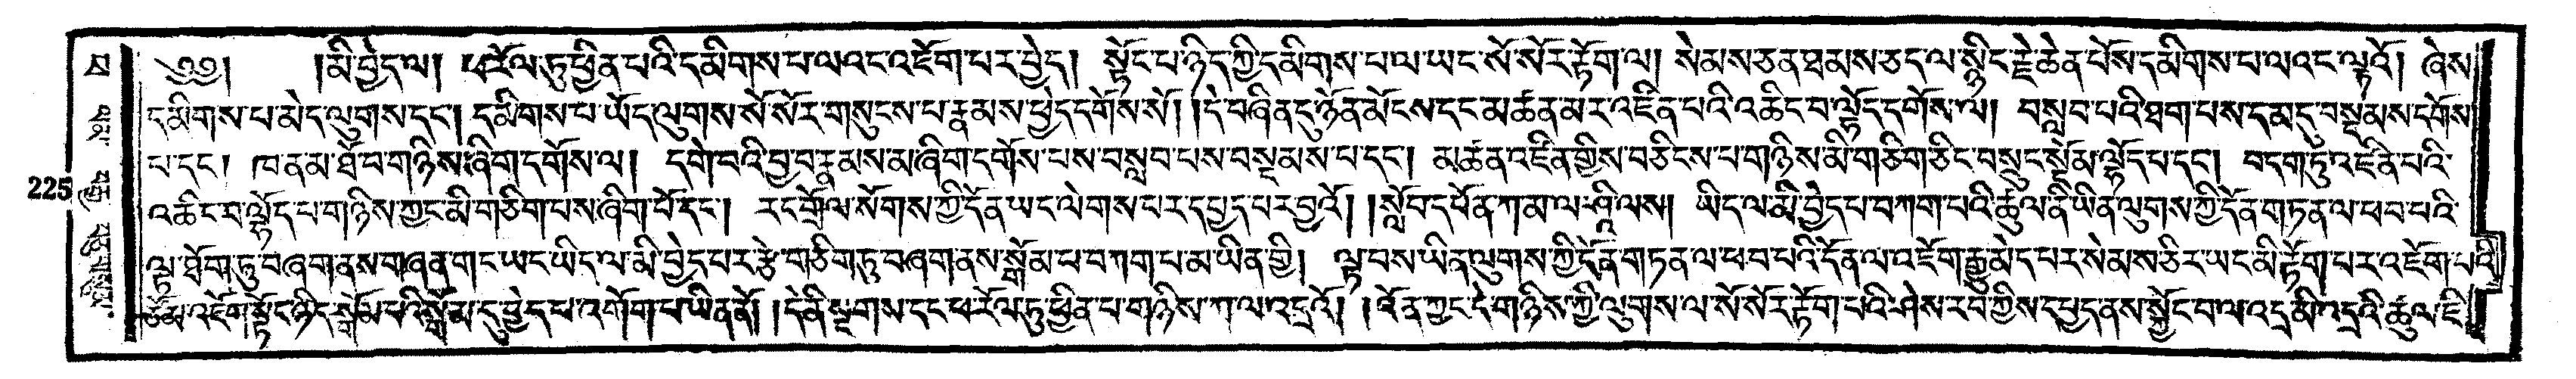༄༅། །མི་བྱེད་ལ། ཕ་རོལ་ཏུ་ཕྱིན་པའི་དམིགས་པ་ལའང་འཇོག་པར་བྱེད། སྟོང་པ་ཉིད་ཀྱི་དམིགས་པ་ལ་ཡང་སོ་སོར་རྟོག་ལ། སེམས་ཅན་ཐམས་ཅད་ལ་སྙིང་རྗེ་ཆེན་པོས་དམིགས་པ་ལའང་ལྟའོ། ཞེས་
དམིགས་པ་མེད་ལུགས་དང་། དམིགས་པ་ཡོད་ལུགས་སོ་སོར་གསུངས་པ་རྣམས་ཕྱེད་དགོས་སོ། །དེ་བཞིན་དུ་ཉོན་མོངས་དང་མཚན་མར་འཛིན་པའི་འཆིང་བ་ལྷོད་དགོས་ལ། བསླབ་པའི་ཐག་པས་དམ་དུ་བསྔམ་དགོས་
པ་དང་། ཁ་ན་མ་ཐོ་བ་གཉིས་ཞིག་དགོས་ལ། དགེ་བའི་བྱ་བ་རྣམས་མ་ཞིག་དགོས་པས་བསླབ་པས་བསྔམ་པ་དང་། མཚན་འཛིན་གྱིས་བཅིངས་པ་གཉིས་མི་གཅིག་ཅིང་བསྲུང་སྔོམ་ལྷོད་པ་དང་། བདག་ཏུ་འཛིན་པའི་
འཆིང་བ་ལྷོད་པ་གཉིས་ཀྱང་མི་གཅིག་པས་ཞིག་པོ་དང་། རང་གྲོལ་སོགས་ཀྱི་དོན་ཡང་ལེགས་པར་དཔྱད་པར་བྱའོ། །སློབ་དཔོན་ཀ་མ་ལ་ཤཱི་ལས། ཡིད་ལ་མི་བྱེད་པ་བཀག་པའི་ཚུལ་ནི་ཡིན་ལུགས་ཀྱི་དོན་གཏན་ལ་ཕབ་པའི་
ལྟ་ཐོག་ཏུ་བཞག་ནས་གཞན་གང་ཡང་ཡིད་ལ་མི་བྱེད་པར་རྩེ་གཅིག་ཏུ་བཞག་ནས་སྒོམ་པ་བཀག་པ་མ་ཡིན་གྱི། ལྟ་བས་ཡིན་ལུགས་ཀྱི་དོན་གཏན་ལ་ཕབ་པའི་དོན་ལ་འཇོག་རྒྱུ་མེད་པར་སེམས་ཅིར་ཡང་མི་རྟོག་པར་འཇོག་པའི་
ཙོམ་འཇོག་སྟོང་ཉིད་སྒོམ་པའི་སྒོམ་དུ་བྱེད་པ་འགོག་པ་ཡིན་ནོ། །དེ་ནི་སྔགས་དང་ཕ་རོལ་ཏུ་ཕྱིན་པ་གཉིས་ཀ་ལ་འདྲའོ། །འོན་ཀྱང་དེ་གཉིས་ཀྱི་ལུགས་ལ་སོ་སོར་རྟོག་པའི་ཤེས་རབ་ཀྱིས་དཔྱད་ནས་སྐྱོང་བ་ལ་འདྲ་མི་འདྲའི་ཚུལ་ཇི་